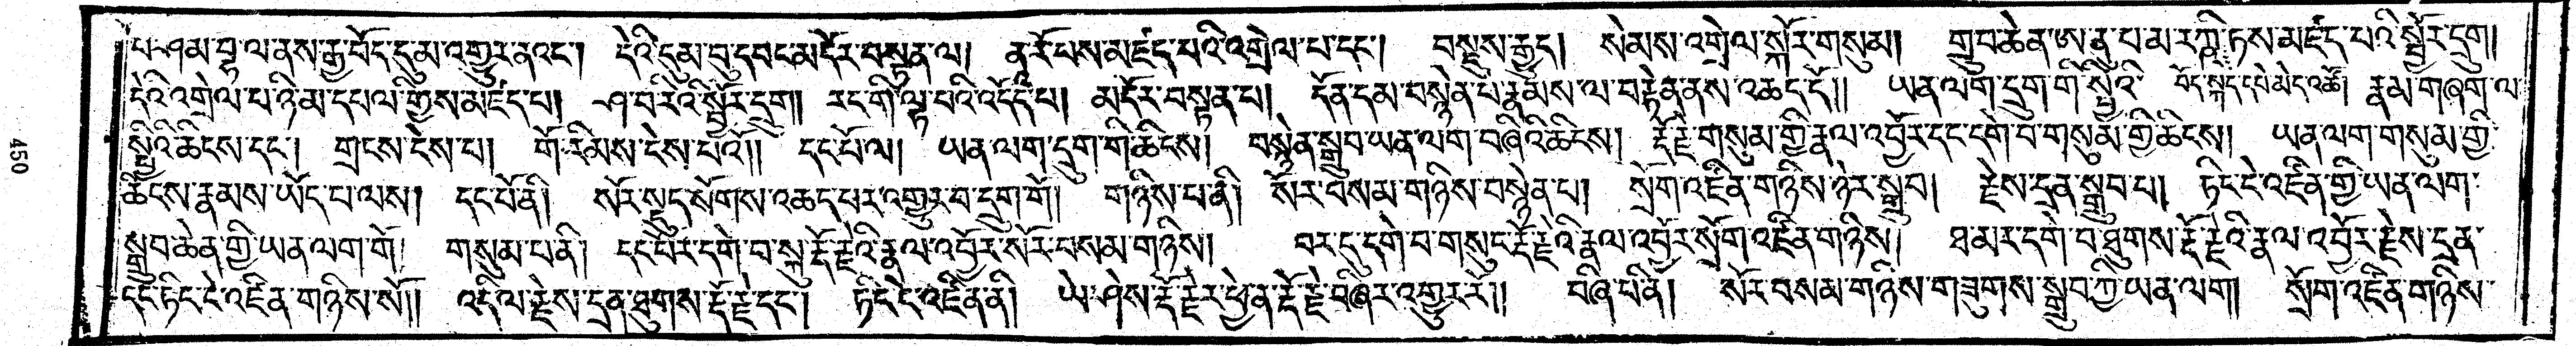པ་ཤམ་བྷ་ལ་ནས་རྒྱ་བོད་དུ་མ་འགྱུར་ནའང་། དེའི་དུམ་བུ་དབང་མདོར་བསྟན་ལ། ནཱ་རོ་པས་མཛད་པའི་འགྲེལ་པ་དང་། བསྡུས་རྒྱུད། སེམས་འགྲེལ་སྐོར་གསུམ། གྲུབ་ཆེན་ཨ་ནུ་པ་མ་རཀྵི་ཏ་ས་མཛད་པའི་སྦྱོར་དྲུག།
དེའི་འགྲེལ་པ་ཉི་མ་དཔལ་གྱིས་མཛད་པ། ཤ་བ་རིའི་སྦྱོར་དྲུག། རང་གི་ལྟ་བའི་འདོད་པ། མདོར་བསྟན་པ། དོན་དམ་བསྙེན་པ་རྣམས་ལ་བརྟེན་ནས་འཆད་དོ།། ཡན་ལག་དྲུག་གི་སྤྱིའི་བོད་སྐད་དཔེ་མེད་འཚོ། རྣམ་གཞག་ལ་
སྤྱིའི་ཆིངས་དང་། གྲངས་ངེས་པ། གོ་རིམས་ངེས་པའོ།། དང་པོ་ལ། ཡན་ལག་དྲུག་གི་ཆིངས། བསྙེན་སྒྲུབ་ཡན་ལག་བཞིའི་འཆིངས། རྡོ་རྗེ་གསུམ་གྱི་རྣལ་འབྱོར་དང་དགེ་བ་གསུམ་གྱི་ཆིངས། ཡན་ལག་གསུམ་གྱི་
ཆིངས་རྣམས་ཡོད་པ་ལས། དང་པོ་ནི། སོར་སྡུད་སོགས་འཆད་པར་འགྱུར་བ་དྲུག་གོ། གཉིས་པ་ནི། སོར་བསམ་གཉིས་བསྙེན་པ། སྲོག་འཛིན་གཉིས་ཉེར་སྒྲུབ། རྗེས་དྲན་སྒྲུབ་པ། ཏིང་ངེ་འཛིན་གྱི་ཡན་ལག་
སྒྲུབ་ཆེན་གྱི་ཡན་ལག་གོ། གསུམ་པ་ནི། དང་པོར་དགེ་བ་སྐུ་རྡོ་རྗེའི་རྣལ་འབྱོར་སོར་བསམ་གཉིས། བར་དུ་དགེ་བ་གསུང་རྡོ་རྗེའི་རྣལ་འབྱོར་སྲོག་འཛིན་གཉིས། ཐ་མར་དགེ་བ་ཐུགས་རྡོ་རྗེའི་རྣལ་འབྱོར་རྗེས་དྲན་
དང་ཏིང་ངེ་འཛིན་གཉིས་སོ།། འདི་ལ་རྗེས་དྲན་ཐུགས་རྡོ་རྗེ་དང་། ཏིང་ངེ་འཛིན་ནི། ཡེ་ཤེས་རྡོ་རྗེར་ཕྱེ་ན་རྡོ་རྗེ་བཞིར་འགྱུར་རོ།། བཞི་པ་ནི། སོར་བསམ་གཉིས་གཟུགས་སྒྲུབ་ཀྱི་ཡན་ལག། སྲོག་འཛིན་གཉིས་